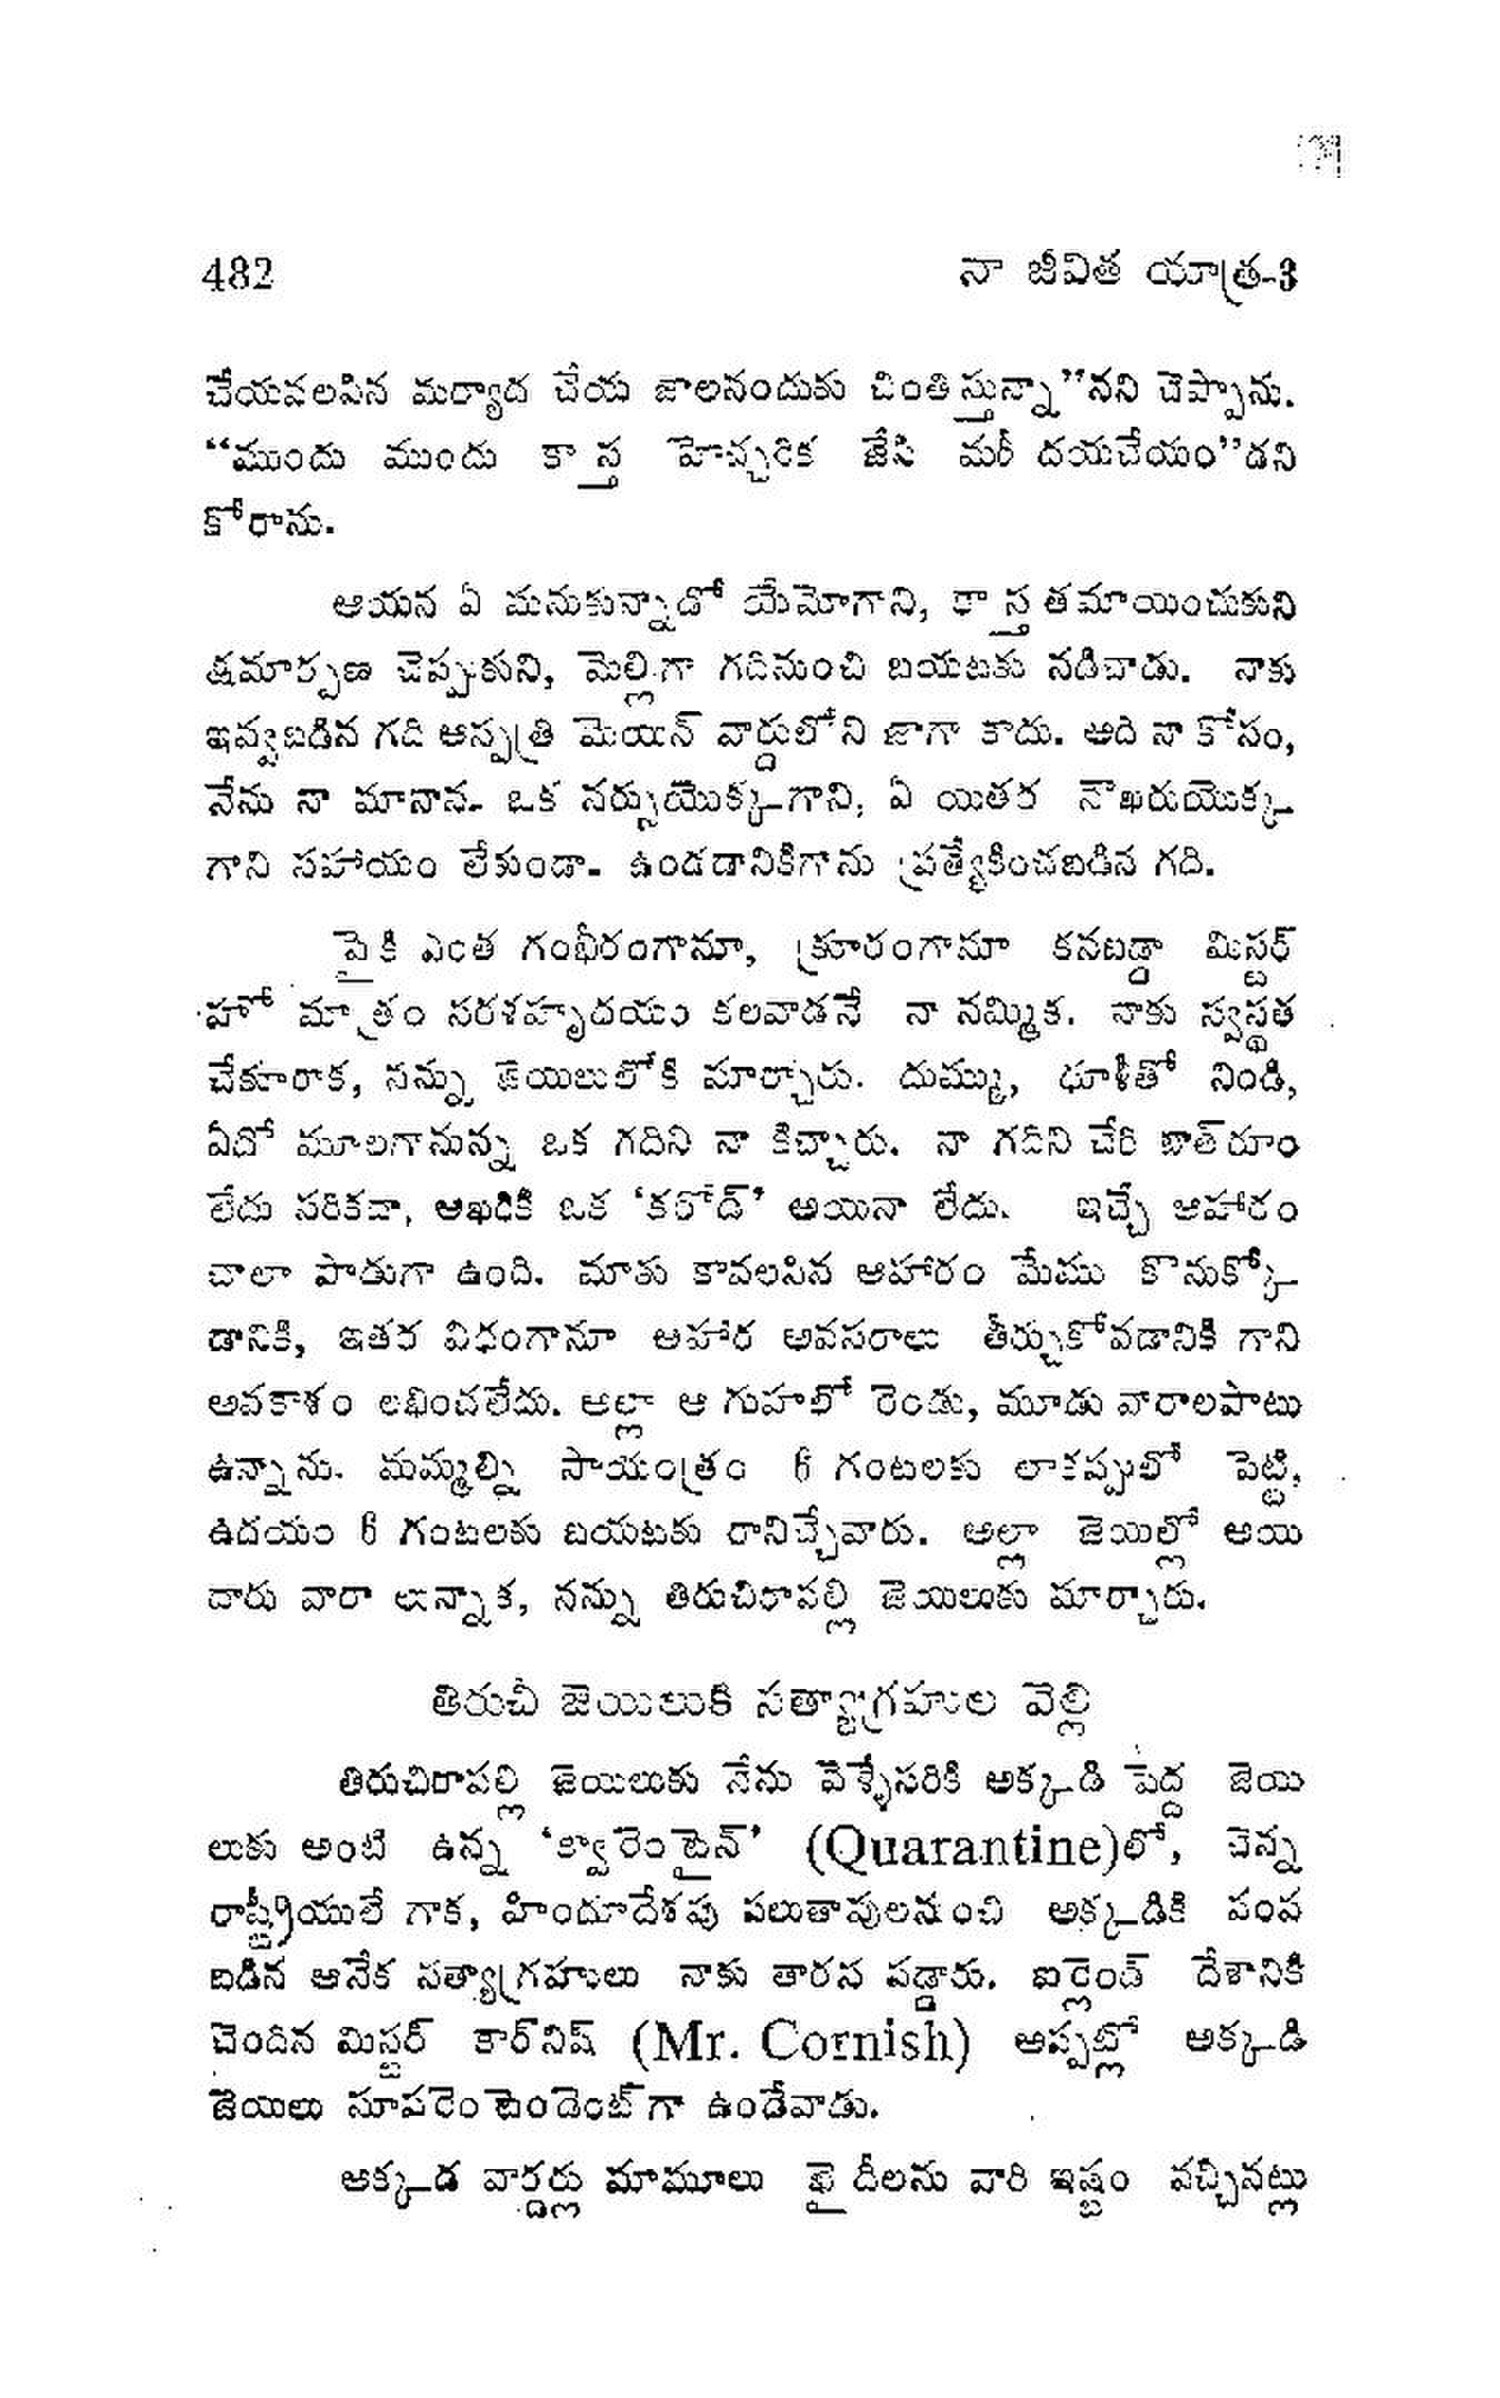చేయవలసిన మర్యాద చేయ జాలనందుకు చింతిస్తున్నా"నని చెప్పాను. "ముందు ముందు కాస్త హెచ్చరిక జేసి మరీ దయచేయం"డని కోరాను.

ఆయన ఏ మనుకున్నాడో యేమోగాని, కాస్త తమాయించుకుని క్షమార్పణ చెప్పుకుని, మెల్లిగా గదినుంచి బయటికి నడిచాడు. నాకు ఇవ్వబడిన గది ఆస్పత్రి మెయిన్ వార్డులోని జాగా కాదు. అది నా కోసం, నేను నా మానాన - ఒక నర్సుయొక్కగాని, ఏ యితర నౌఖరుయొక్కగాని సహాయం లేకుండా - ఉండడానికిగాను ప్రత్యేకించబడిన గది.

పైకి ఎంత గంభీరంగానూ, క్రూరంగానూ కనబడ్డా మిస్టర్ హో మాత్రం సరళహృదయం కలవాడనే నా నమ్మిక. నాకు స్వస్థత చేకూరాక, నన్ను జెయిలులోకి మార్చారు. దుమ్ము, ధూళీతో నిండి, ఏదో మూలగానున్న ఒక గదిని నా కిచ్చారు. నా గదిని చేరి బాత్‌రూం లేదు సరికదా, ఆఖరికి ఒక 'కరోడ్‌' అయినా లేదు. ఇచ్చే ఆహారం చాలా పాడుగా ఉంది. మాకు కావలసిన ఆహారం మేము కొనుక్కోడానికి, ఇతర విధంగానూ ఆహార అవసరాలు తీర్చుకోవడానికి గాని అవకాశం లభించలేదు. అల్లా ఆ గుహలో రెండు, మూడు వారాలపాటు ఉన్నాను. మమ్మల్ని సాయంత్రం 6 గంటలకు లాకప్పులో పెట్టి, ఉదయం 6 గంటలకు బయటకు రానిచ్చేవారు. అల్లా జెయిల్లో అయిదారు వారా లున్నాక, నన్ను తిరుచిరాపల్లి జెయిలుకు మార్చారు.

తిరుచిరాపల్లి జెయిలుకు నేను వెళ్ళేసరికి అక్కడి పెద్ద జెయిలుకు అంటి ఉన్న 'క్వారెంటైన్‌' (Quarantine)లో, చెన్న రాష్ట్రీయులే గాక, హిందూదేశపు పలుతావులనుంచి అక్కడికి పంపబడిన అనేక సత్యాగ్రహులు నాకు తారస పడ్డారు. ఐర్లెండ్ దేశానికి చెందిన మిస్టర్ కార్‌నిష్ (Mr. Cornish) అప్పట్లో అక్కడి జెయిలు సూపరెంటెండెంట్‌గా ఉండేవాడు.

అక్కడ వార్డర్లు మామూలు ఖైదీలను వారి ఇష్టం వచ్చినట్లు